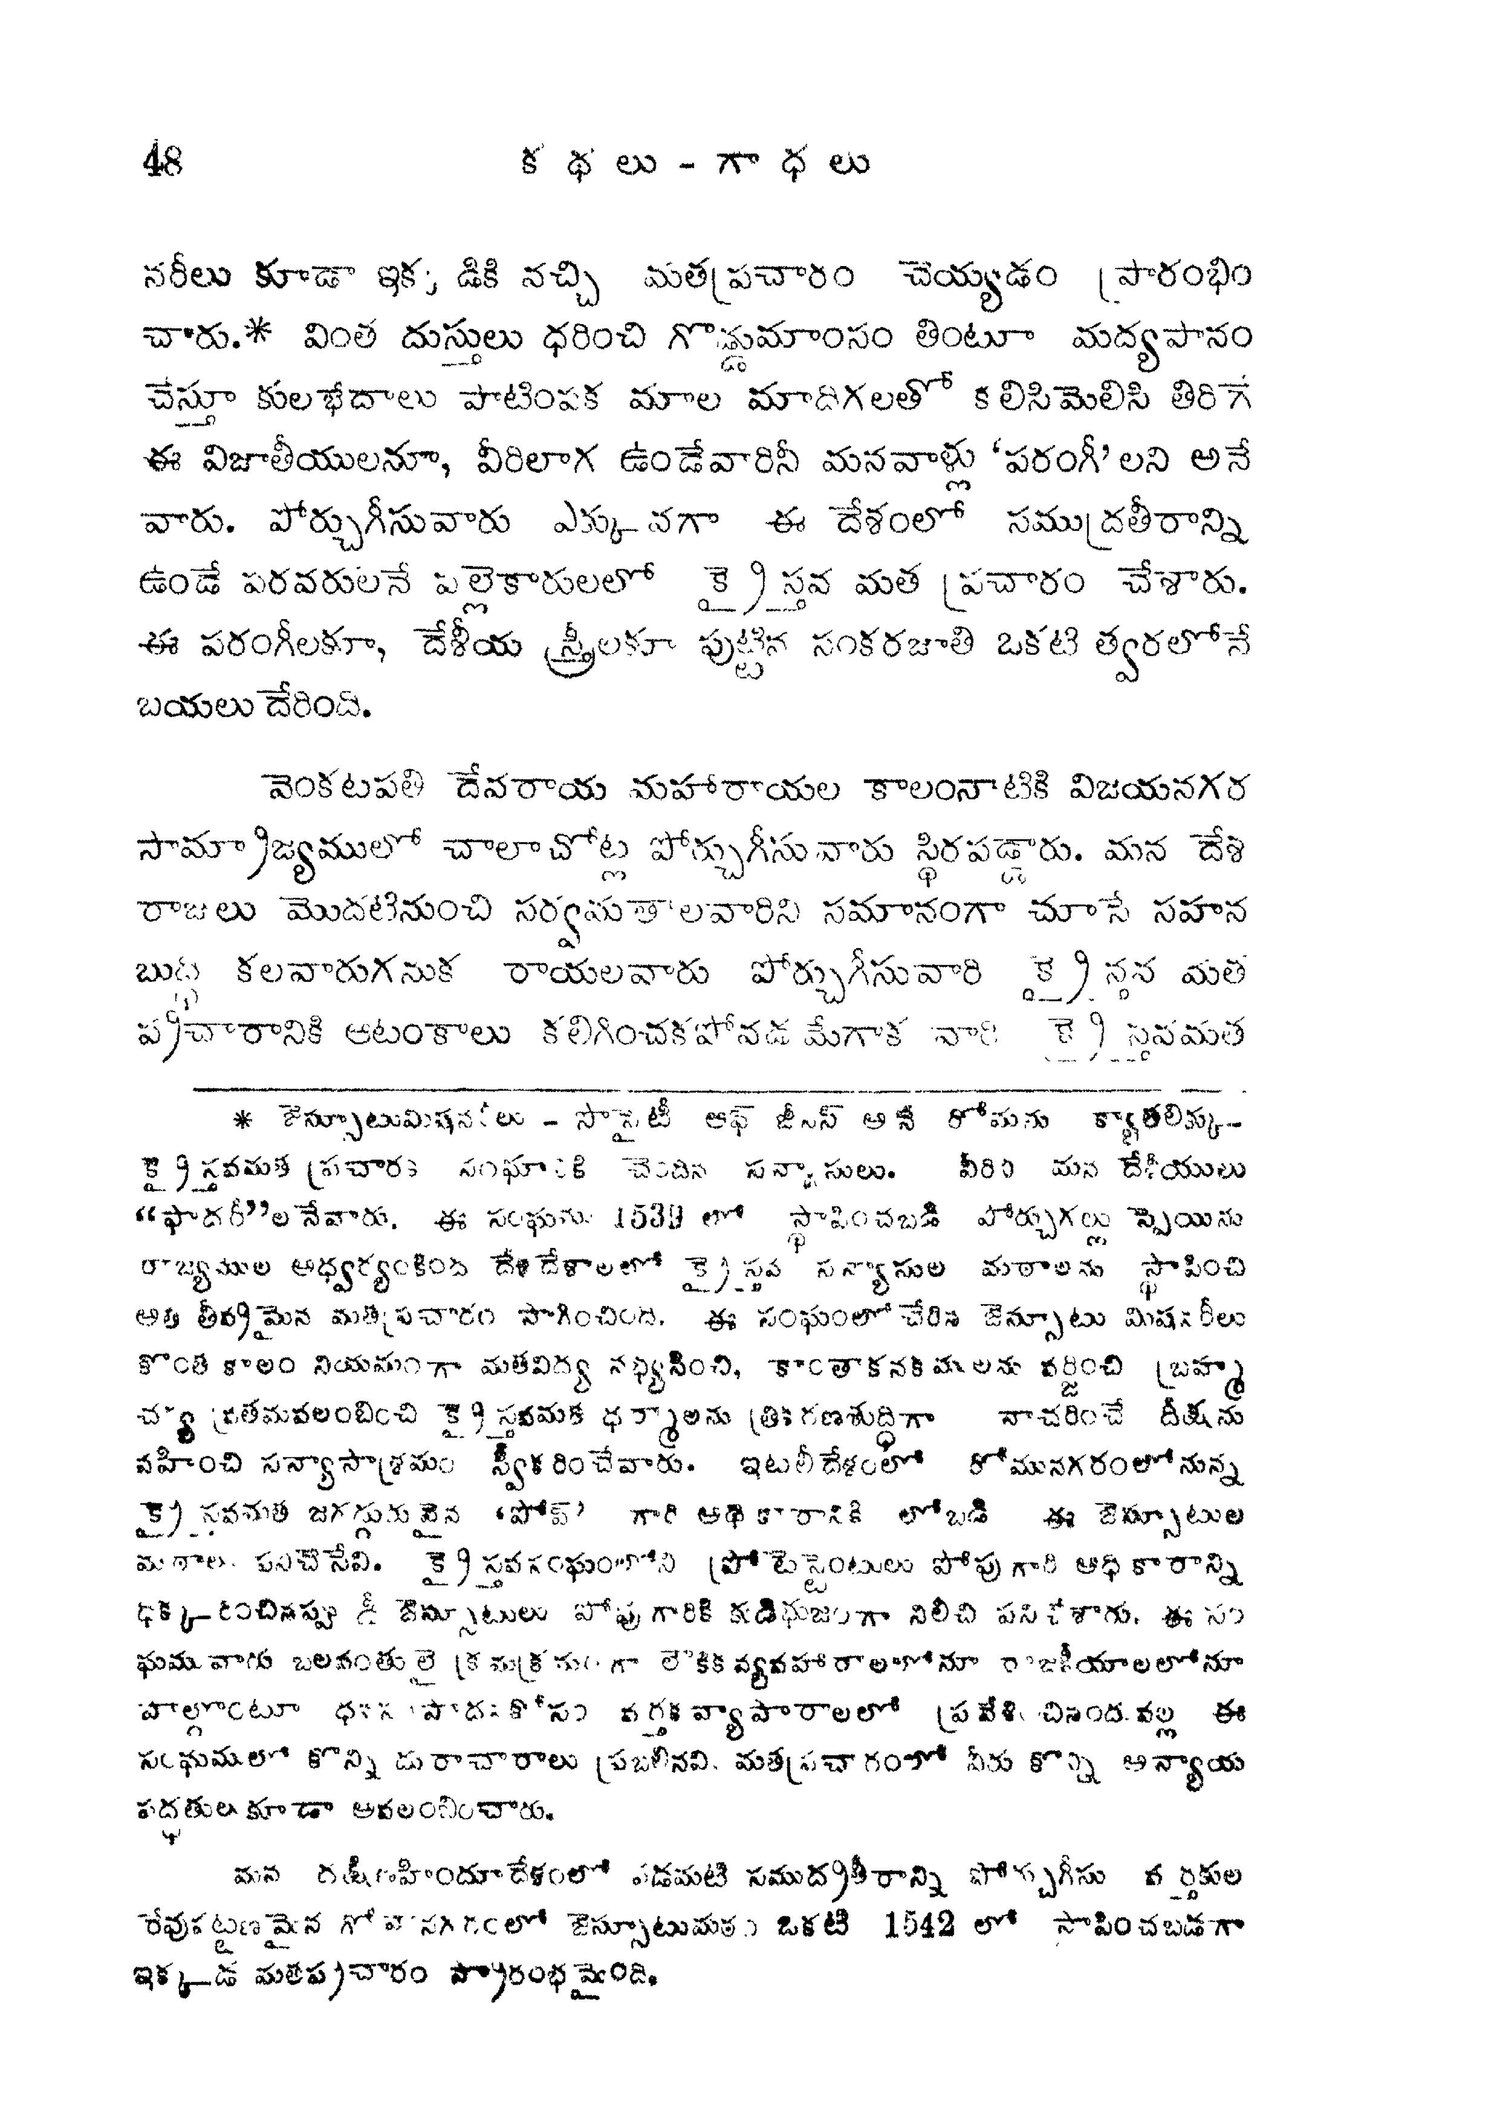నరీలు కూడా ఇక్కడికి వచ్చి మతప్రచారం చెయ్యడం ప్రారంభించారు.* వింత దుస్తులు ధరించి గొడ్డుమాంసం తింటూ మద్యపానం చేస్తూ కులభేదాలు పాటింపక మాల మాదిగలతో కలిసిమెలిసి తిరిగే యీ విజాతీయులనూ , వీరిలాగే ఉండేవారినీ మనవాళ్లు 'పరంగీ' లని అనేవారు. పోర్చుగీసువారు ఎక్కువగా ఈ దేశంలో సముద్రతీరాన్ని ఉండే పరవరులనే పల్లెకారులలో క్రైస్తవ మత ప్రచారం చేశారు. ఈ పరంగీలకూ , దేశీయ స్త్రీలకూ పుట్టిన సంకరజాతి ఒకటి త్వరలోనే బయలుదేరింది. 
 
వెంకటపతి దేవరాయ మహారాయల కాలంనాటికి విజయనగర సామ్రాజ్యములో చాలాచోట్ల పోర్చుగీసువారు స్థిరపడ్డారు. మన దేశరాజులు మొదటినుంచి సర్వమతాలవారిని సమానంగా చూసే సహనబుద్ది కలవారుగనుక రాయలవారు పోర్చుగీసువారి క్రైస్తవ మత ప్రచారానికి ఆటంకాలు కలిగించకపోవడమేగాక వారి క్రైస్తవమత